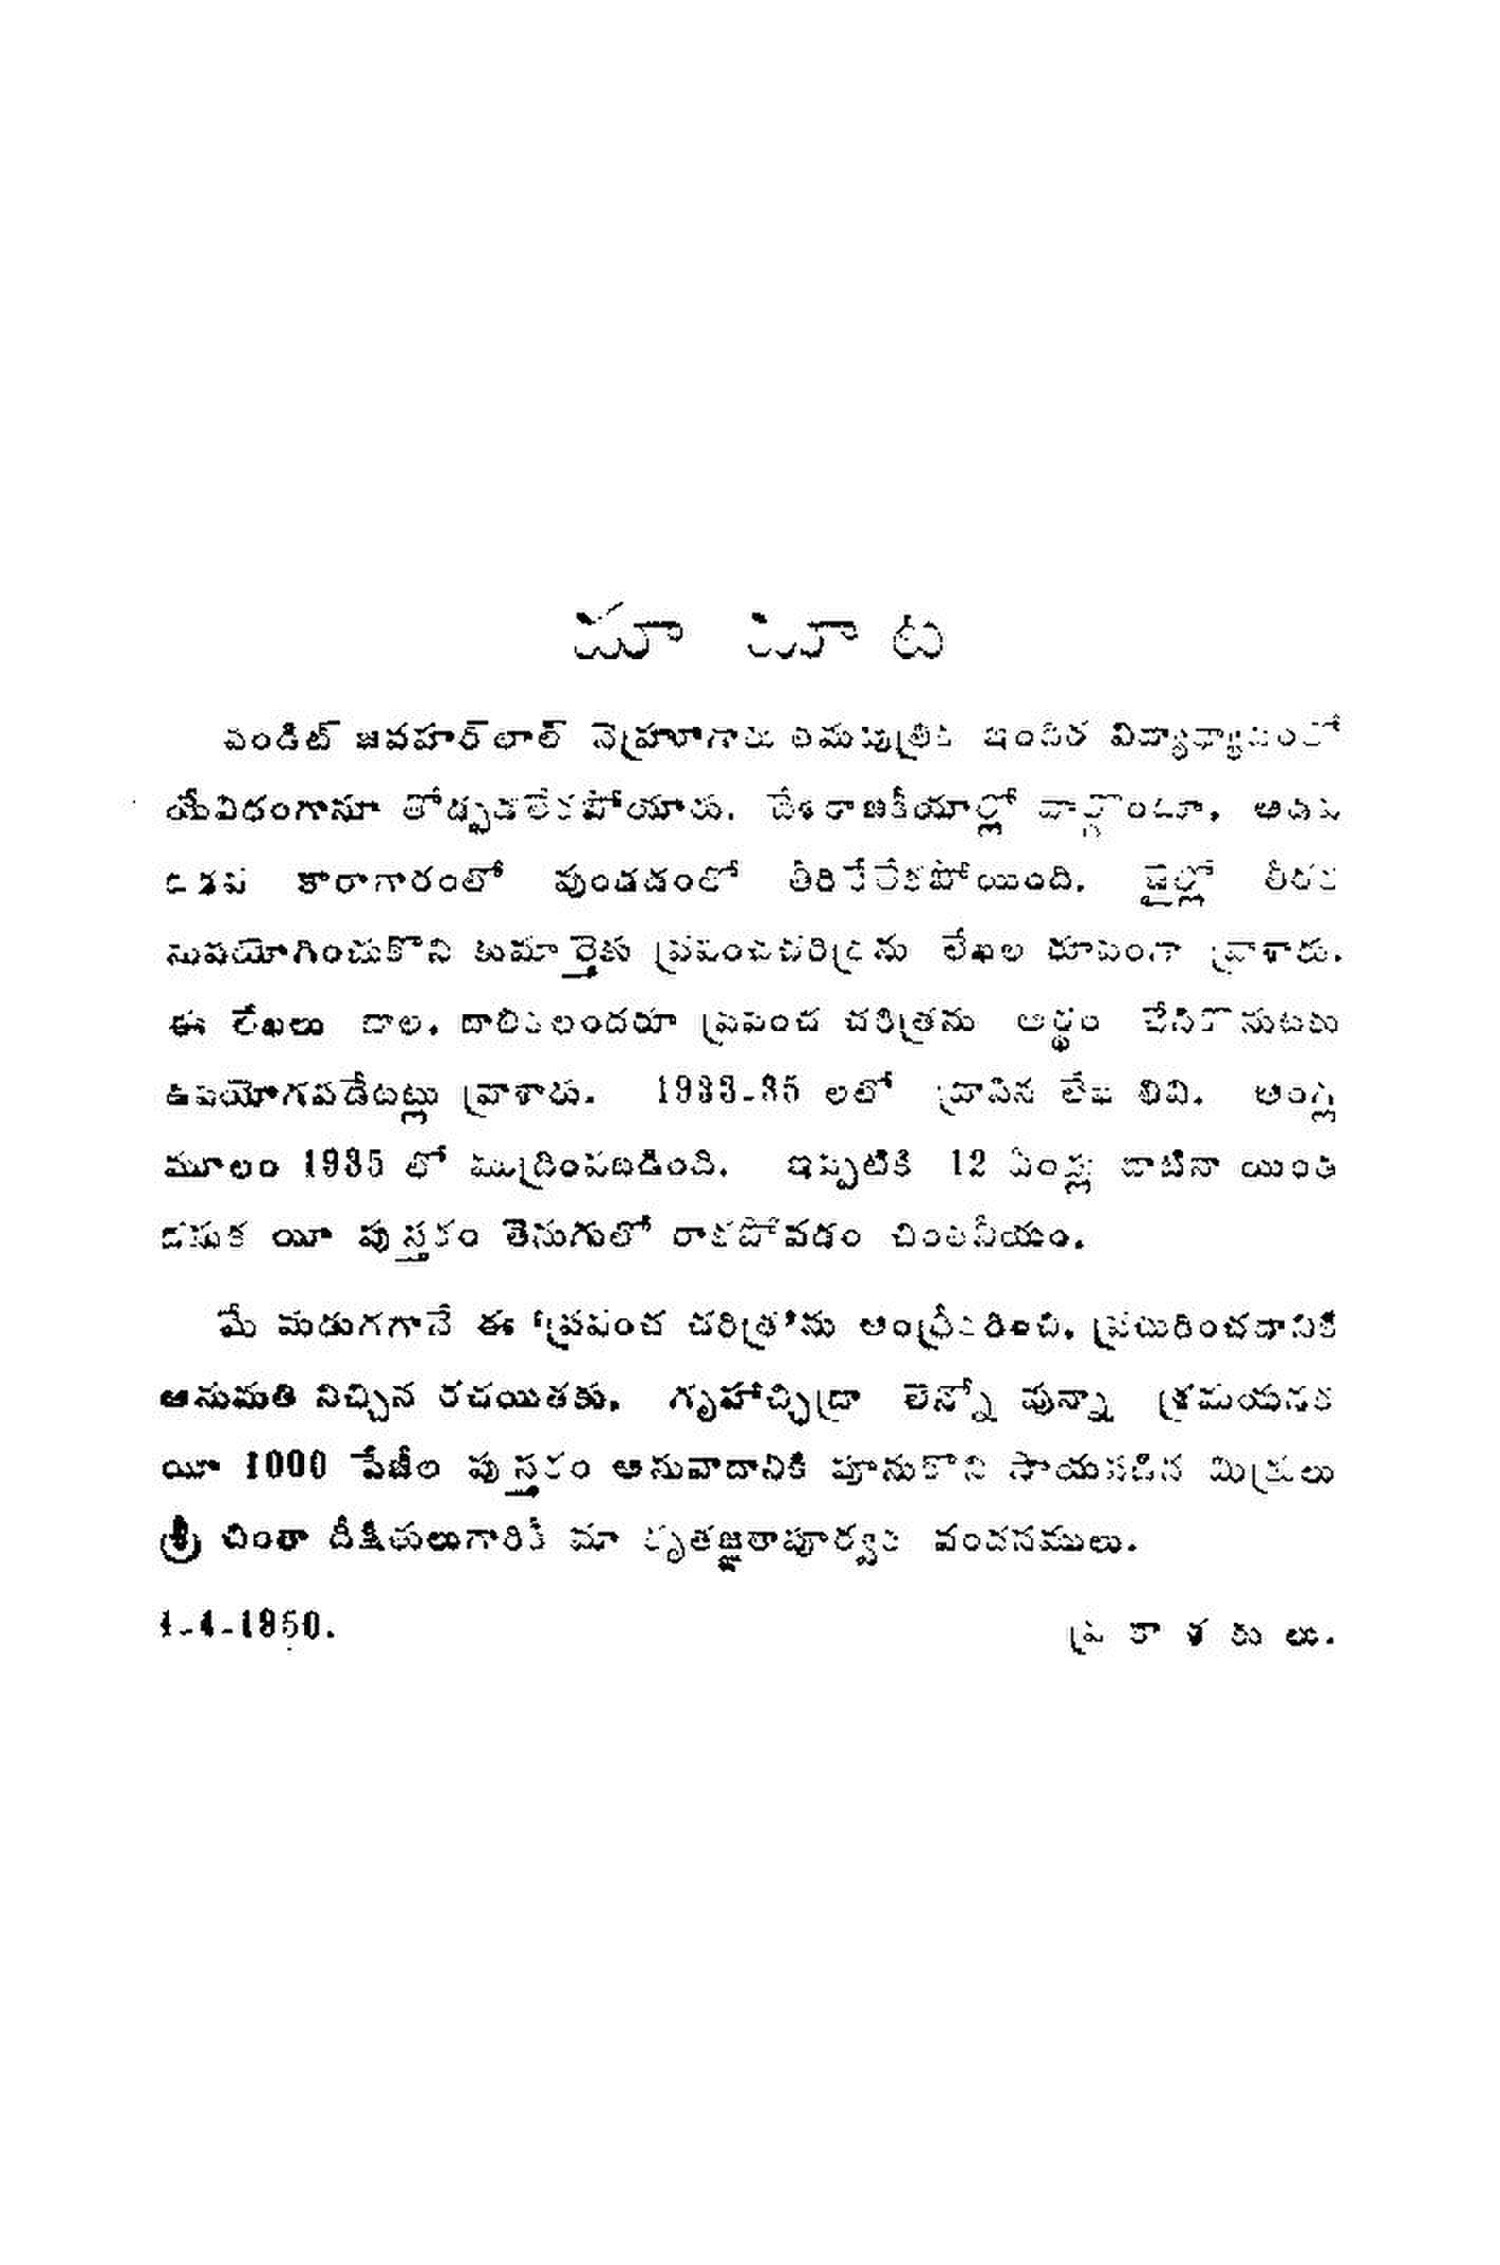మా మాట

పండిట్ జవహర్‌లాల్ నెహ్రూగారు తమపుత్రిక ఇందిర విద్యాభ్యాసంలో యేవిధంగానూ తోడ్పడలేక పోయారు. దేశరాజకీయాల్లో పాల్గొంటూ, అడప దడప కారాగారంలో వుండడంతో తీరికేలేకపోయింది. జైల్లో తీరిక నుపయోగించుకొని కుమార్తెకు ప్రపంచచరిత్రను లేఖల రూపంగా వ్రాశారు. ఈ లేఖలు బాల, బాలికలందరూ ప్రపంచచరిత్రను అర్థం చేసికొనుటకు ఉపయోగపడేటట్లు వ్రాశారు. 1933-35 లలో వ్రాసిన లేఖ లివి. ఆంగ్ల మూలం 1935 లో ముద్రింపబడింది. ఇప్పటికి 12 ఏండ్లు దాటినా యింత దనుక యీ పుస్తకం తెనుగులో రాకపోవడం చింతనీయం.

మే మడుగగానే ఈ ‘ప్రపంచ చరిత్ర’ను ఆంధ్రీకరించి, ప్రచురించడానికి అనుమతి నిచ్చిన రచయితకు, గృహాచ్ఛిద్రా లెన్నో వున్నా శ్రమయనక యీ 1000 పేజీల పుస్తకం అనువాదానికి పూనుకొని సాయపడిన మిత్రులు శ్రీ చింతా దీక్షితులుగారికీ మా కృతజ్ఞతాపూర్వక వందనములు.

1. 4. 1950.